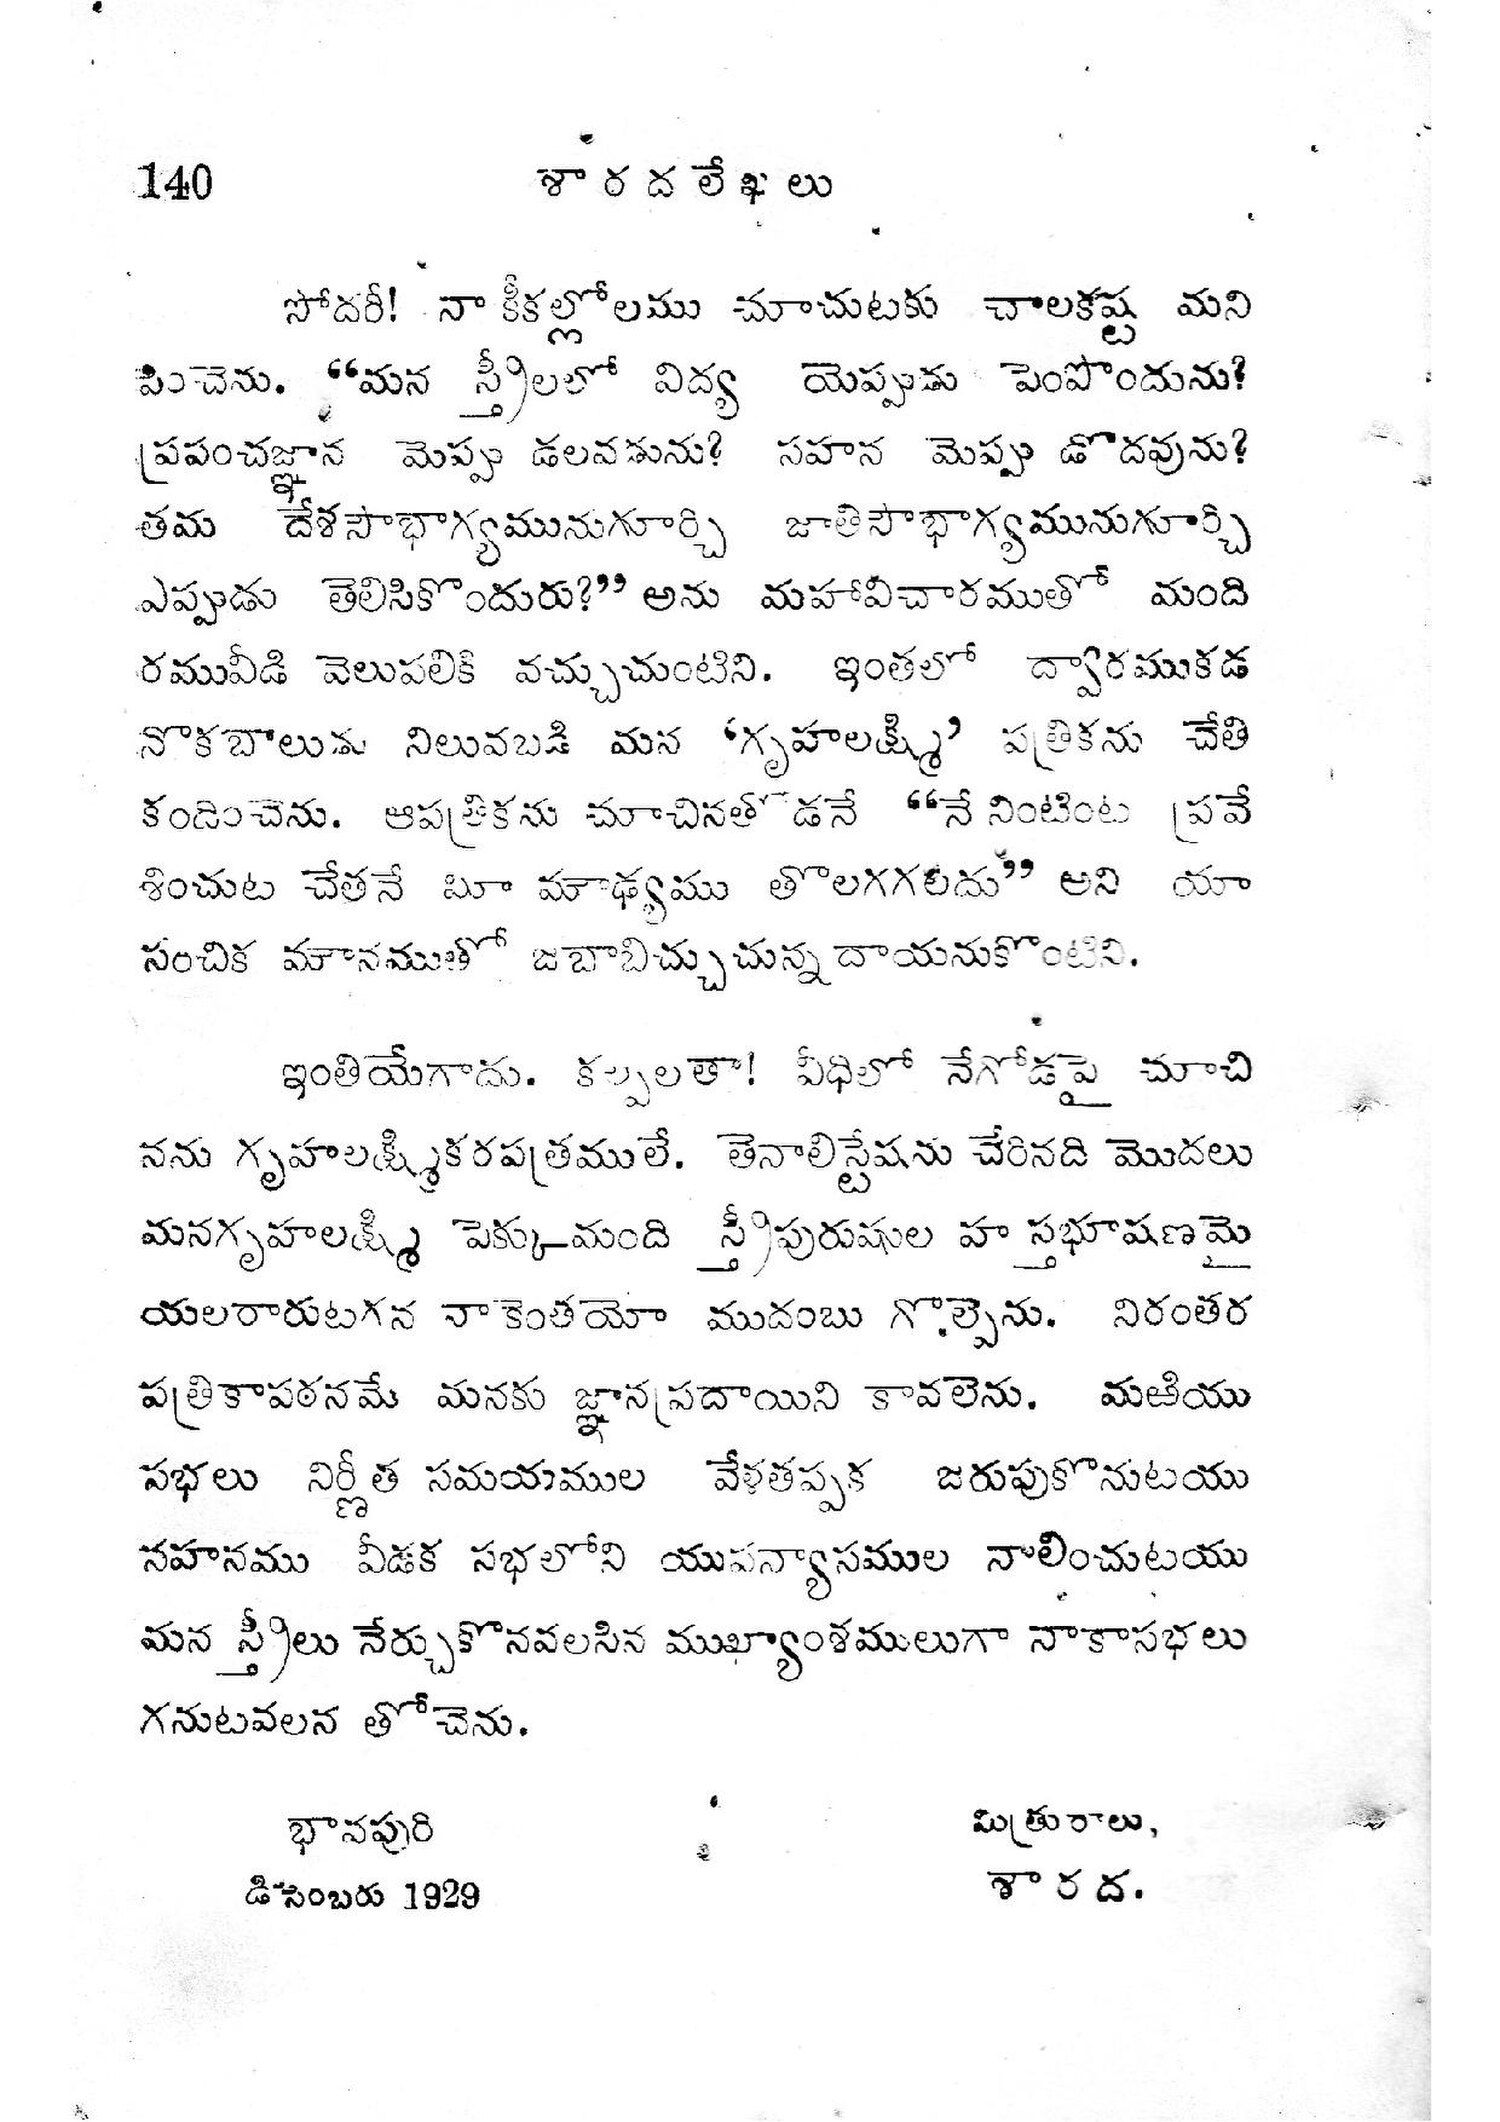సోదరీ! నా కీకల్లోలము చూచుటకు చాలకష్ట మనిపించెను. “మన స్త్రీలలో విద్య యెప్పుడు పెంపొందును? ప్రపంచజ్ఞాన మెప్పు డలవడును? సహన మెప్పు డొదువును? తమ దేశసౌభాగ్యమునుగూర్చి జాతిసౌభాగ్యమునుగూర్చి ఎప్పుడు తెలిసికొందురు?" అను మహావిచారముతో మందిరమువీడి వెలుపలికి వచ్చుచుంటిని. ఇంతలో ద్వారముకడ నొకబాలుడు నిలువబడి మన 'గృహలక్ష్మి' పత్రికను చేతి
కందించెను. ఆపత్రికను చూచినతోడనే "నే నింటింట ప్రవేశించుట చేతనే మీ మౌఢ్యము తొలగగలదు" అని యా సంచిక మౌనముతో జబాబిచ్చుచున్నదాయనుకొంటిని.

ఇంతియేగాదు. కల్పలతా! వీధిలో నేగోడపై చూచినను గృహలక్ష్మీకరపత్రములే. తెనాలిస్టేషను చేరినది మొదలు మనగృహలక్ష్మి పెక్కుమంది స్త్రీపురుషుల హస్తభూషణమై యలరారుటగన నాకెంతయో ముదంబు గొల్పెను. నిరంతర పత్రికాపఠనమే మనకు జ్ఞానప్రదాయిని కావలెను. మఱియు సభలు నిర్ణీత సమయముల వేళతప్పక జరుపుకొనుటయు సహనము వీడక సభలోని యుపన్యాసములు నాలించుటయు మనస్త్రీలు నేర్చుకొనవలసిన ముఖ్యాంశములుగా నాకాసభలు గనుటవలన తోచెను.